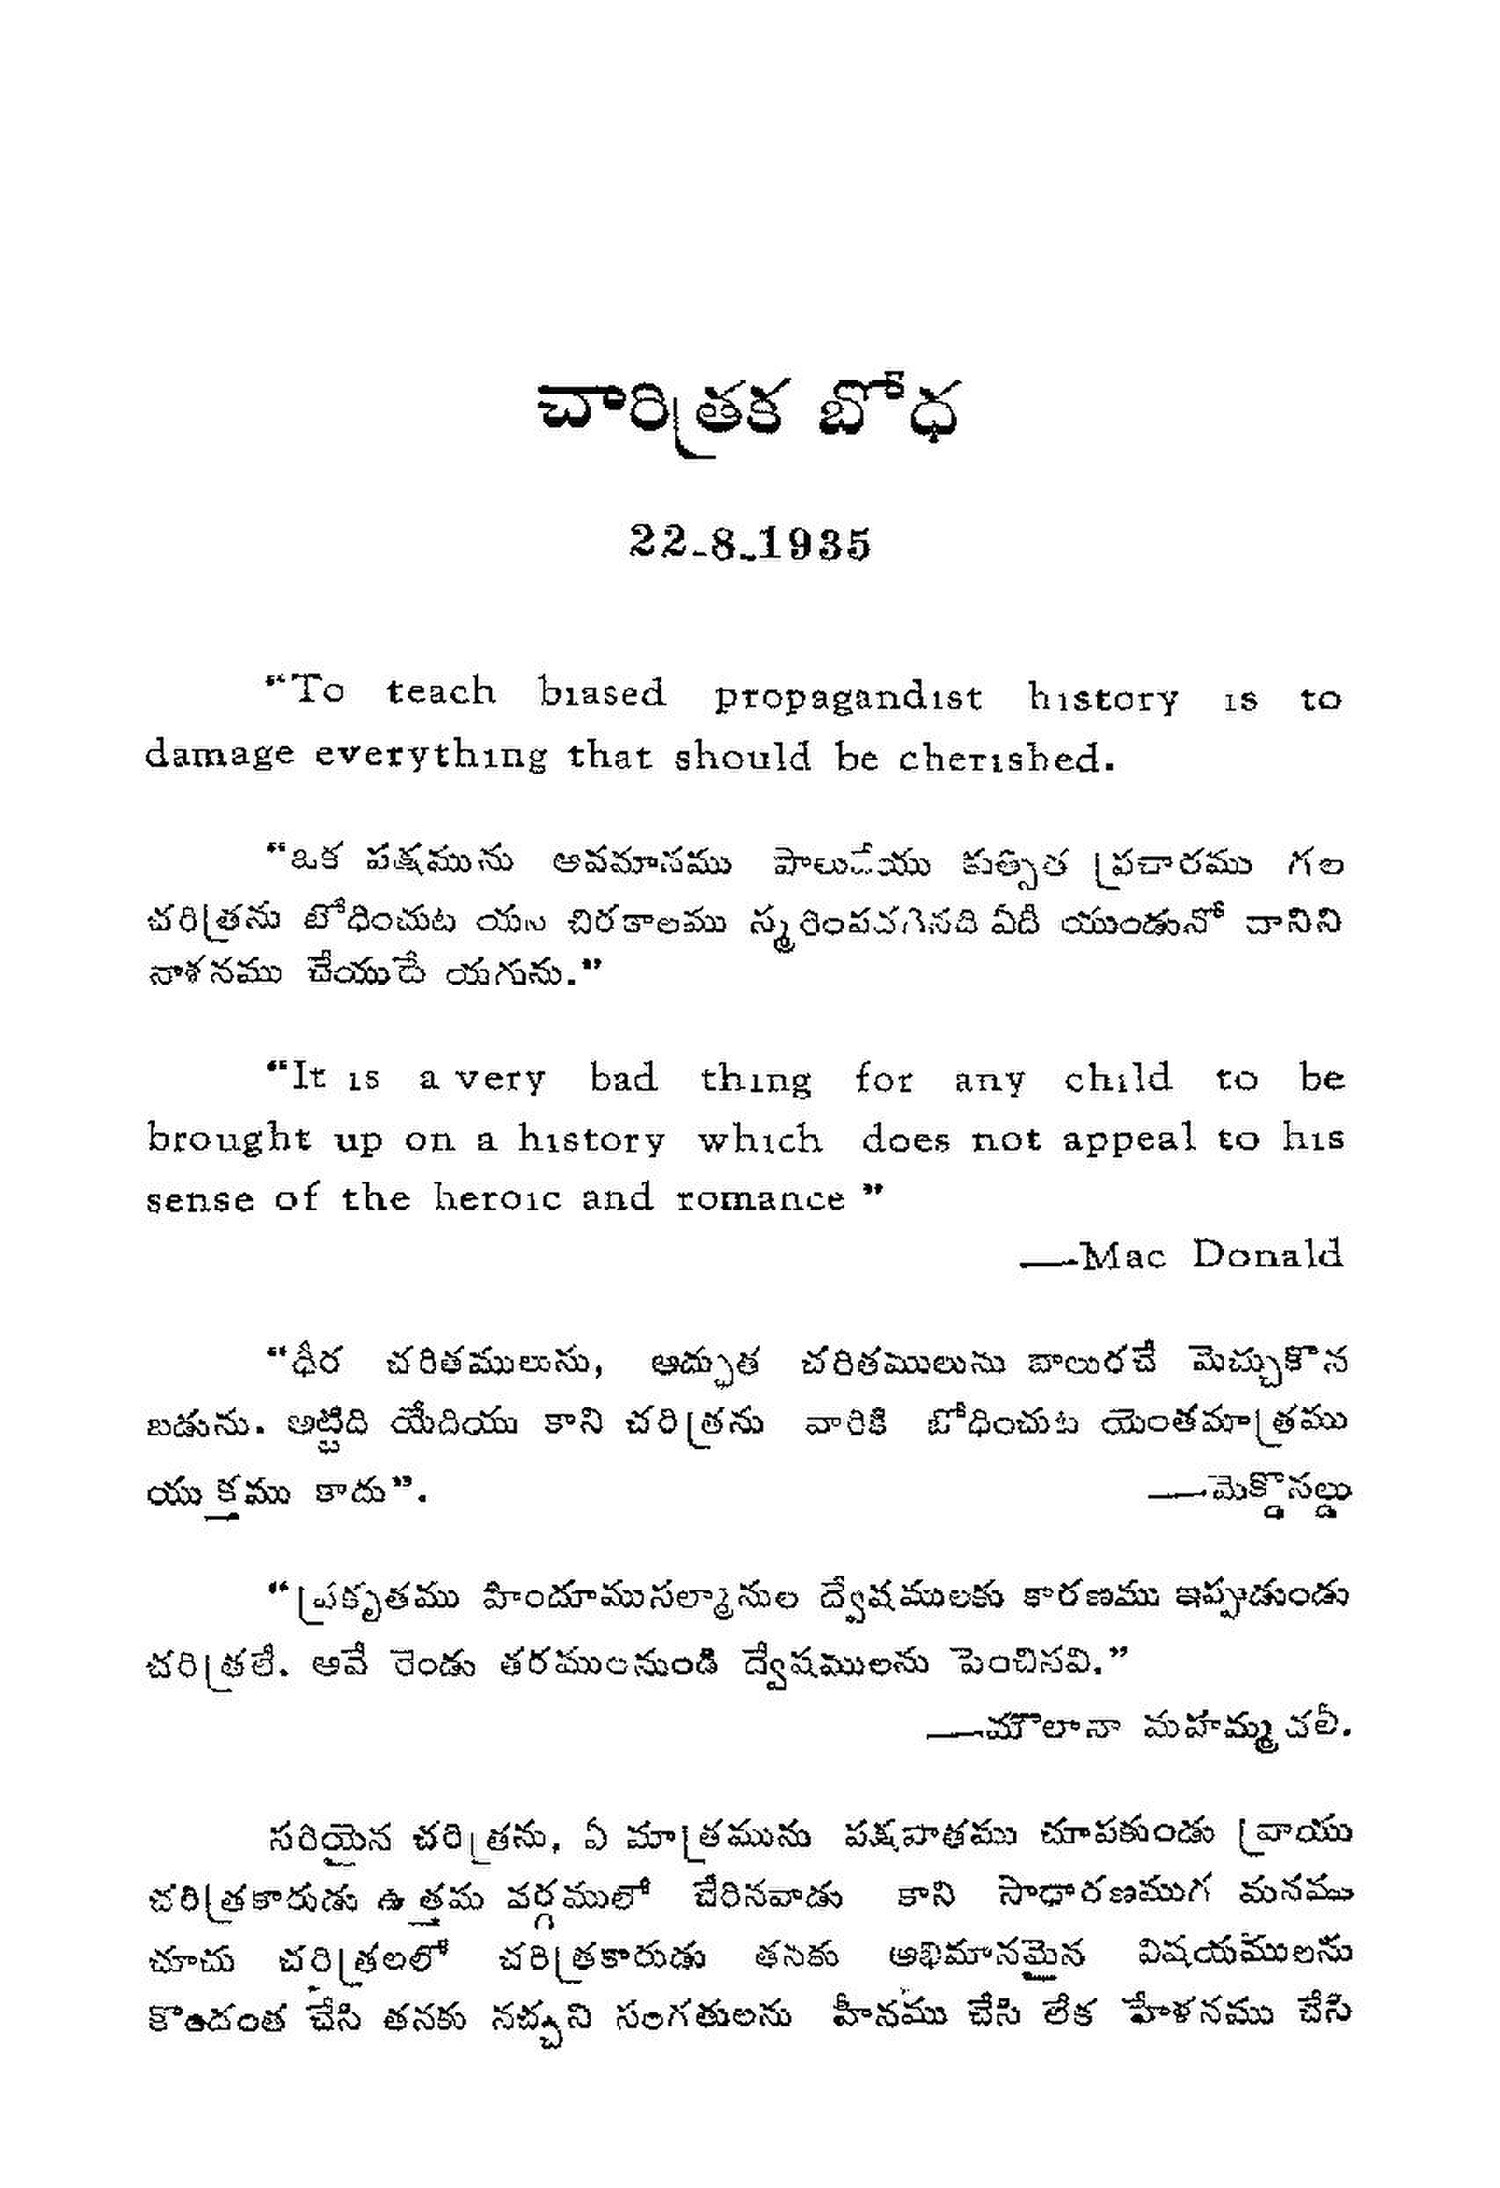చారిత్రక బోధ

22 - 8 - 1935

"To teach biased propagandist history is to damage everything that should be cherished.

"ఒక పక్షమును అవమానము పాలుచేయు కుత్సిత ప్రచారము గల చరిత్రను బోధించుట యన చిరకాలము స్మరింపదగినది ఏదీ యుండునో దానిని నాశనము చేయుటే యగును."

"It is a very bad thing for any child to be brought up on a history which does not appeal to his
sense of the heroic and romance"

"ధీర చరితములుసు, అద్భుత చరితములును బాలురచే మెచ్చుకొనబడును. అట్టిది యేదియు కాని చరిత్రను వారికి బోధించుట యెంతమాత్రము యుక్తము కాదు”.

“ప్రకృతము హిందూముసల్మానుల ద్వేషములకు కారణము ఇప్పుడుండు చరిత్రలే. అవే రెండు తరములనుండి ద్వేషములను పెంచినవి.”

సరియైన చరిత్రను, ఏ మాత్రమును పక్షపాతము చూపకుండు వ్రాయు చరిత్రకారుడు ఉత్తమ వర్గములో చేరినవాడు కాని సాధారణముగ మనము చూచు చరిత్రలలో చరిత్రకారుడు తనకు అభిమానమైన విషయములను కొండంత చేసి తనకు నచ్చని సంగతులను హీనము చేసి లేక హేళనము చేసి